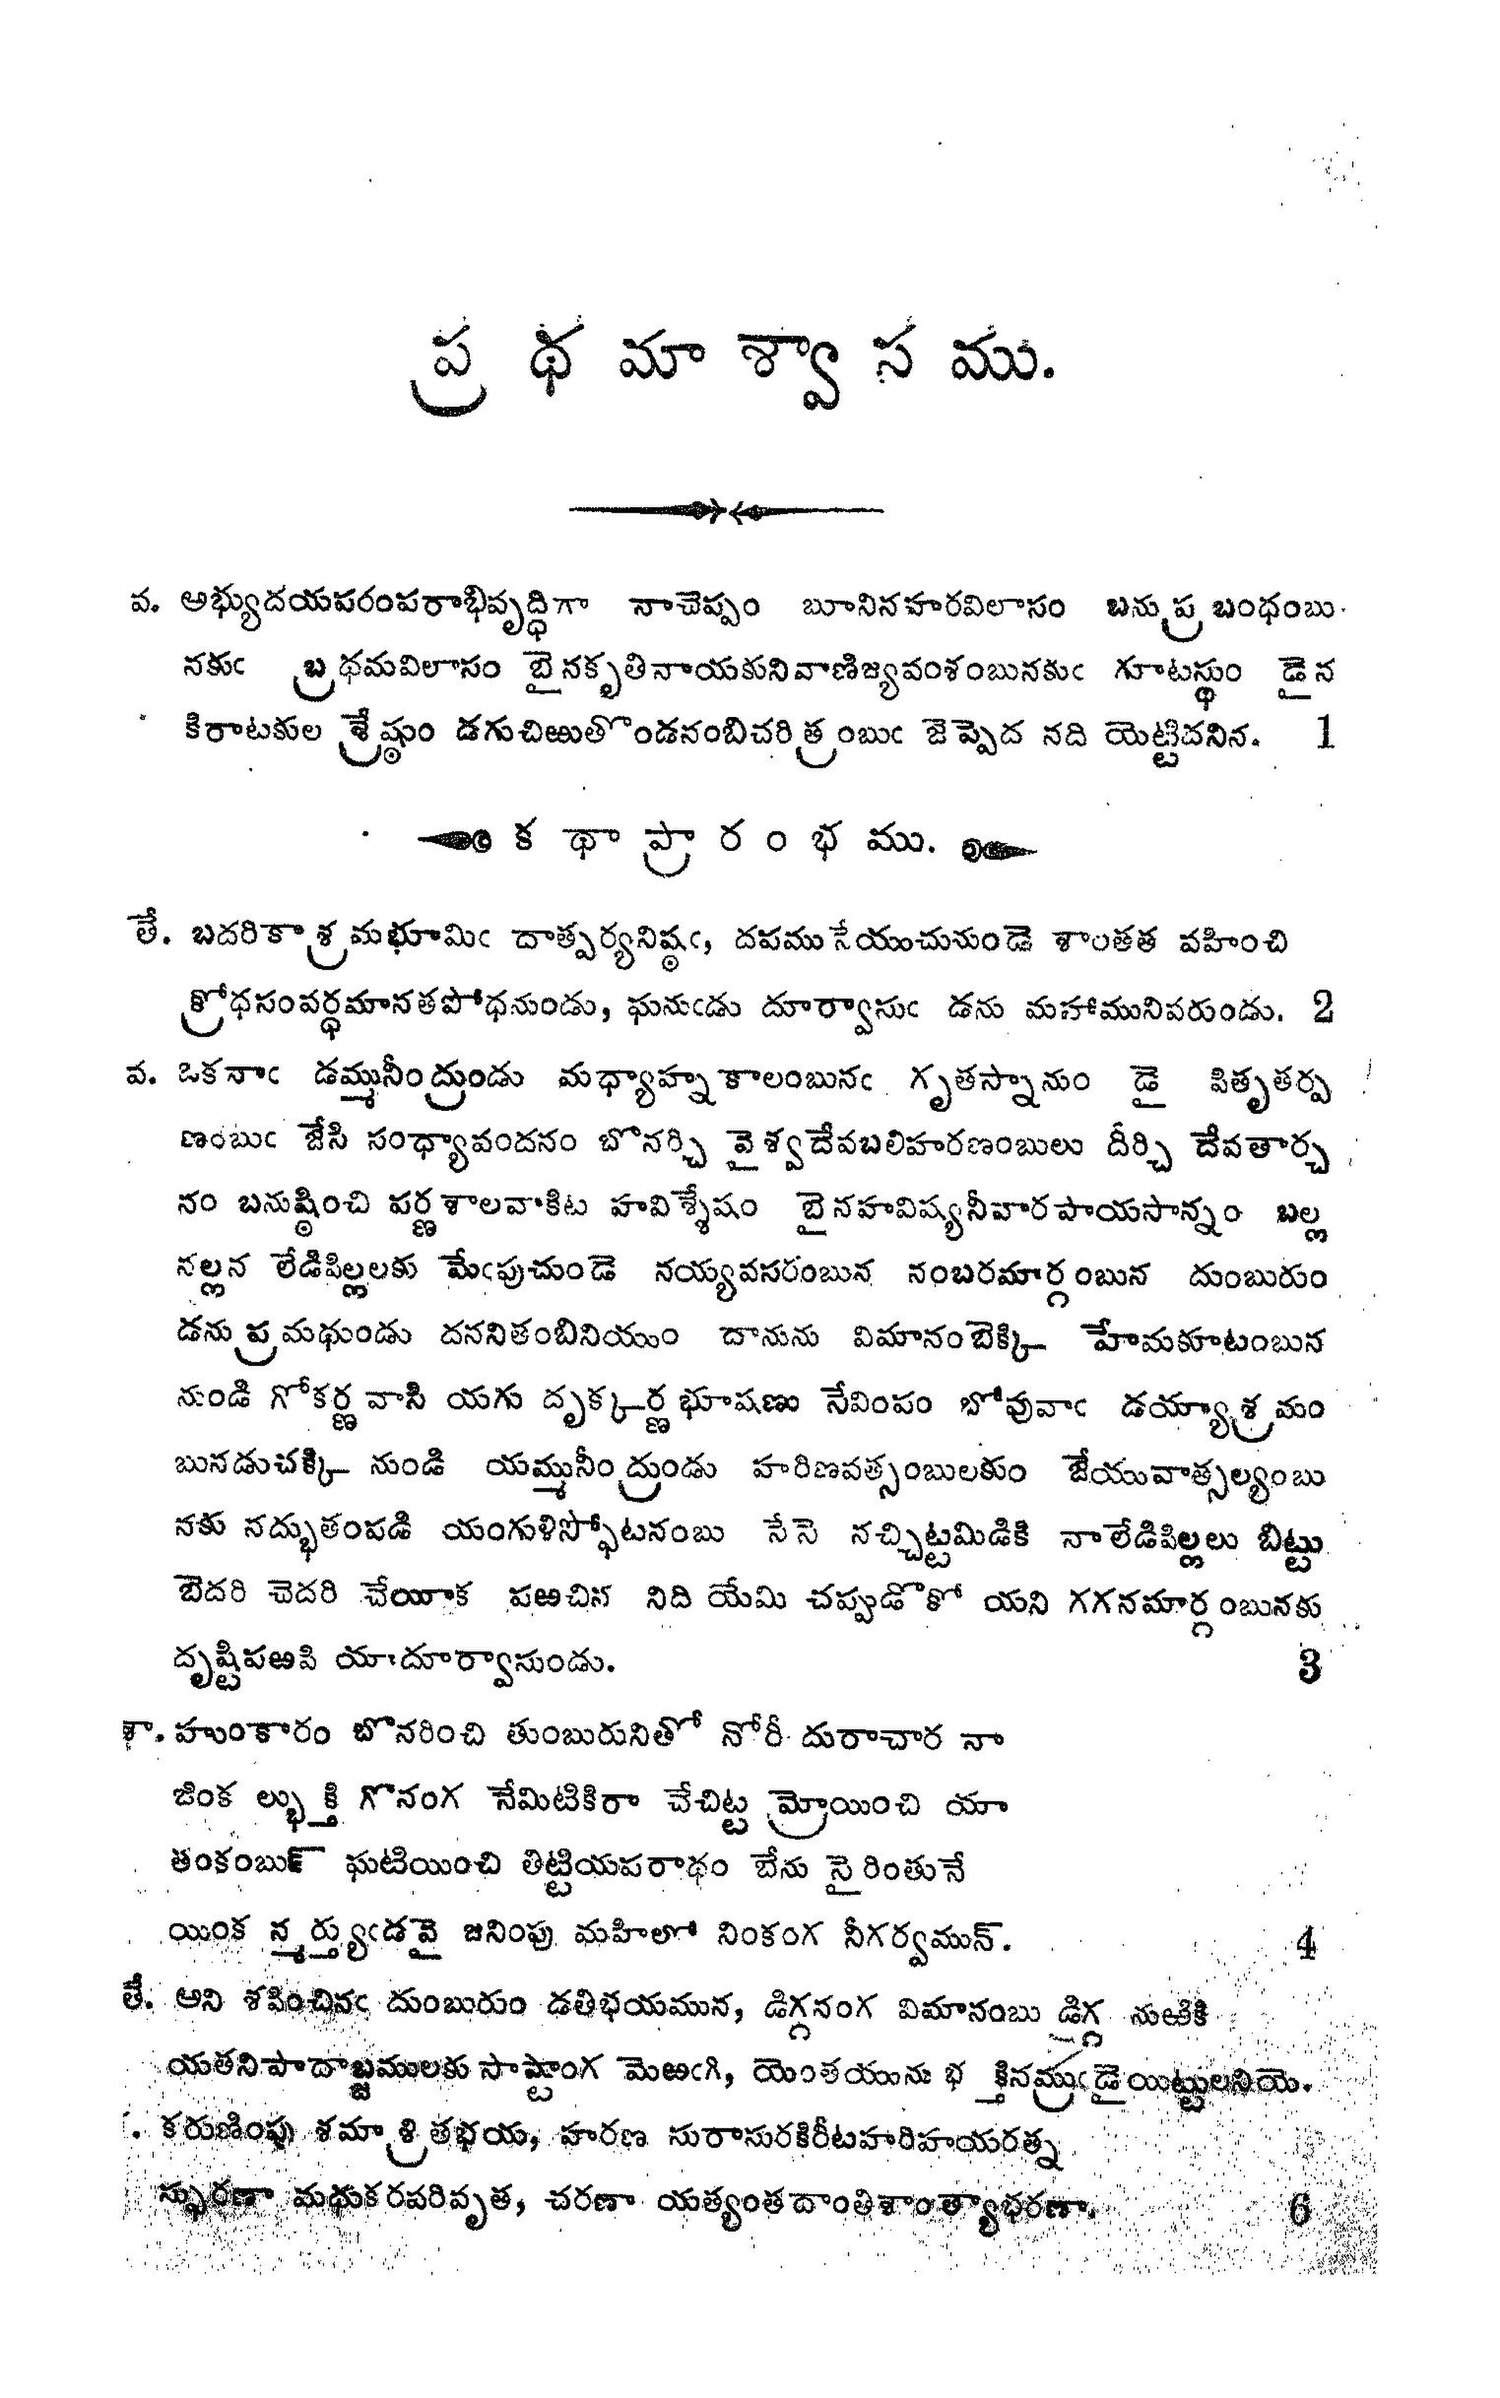ప్రథమాశ్వాసము.

వ. అభ్యుదయపరంపరాభివృద్ధిగా నాచెప్పం బూనిన హరవిలాసం బనుప్రబంధంబునకుఁ బ్రథమవిలాసం బైనకృతినాయకునివాణిజ్యవంశంబునకుఁ గూటస్థుం డైన కిరాటకుల శ్రేష్ఠుం డగుచిఱుతొండనంబిచరిత్రంబుఁ జెప్పెద నది యెట్టిదనిన. 1

కథాప్రారంభము.

తే. బదరికాశ్రమభూమిఁ దాత్పర్యనిష్ఠఁ
దపము సేయుచునుండె శాంతత వహించి
క్రోధసంవర్ధమానతపోధనుండు
ఘనుఁడు దూర్వాసుఁ డను మహామునివరుండు. 2

వ. ఒకనాఁ డమ్మునీంద్రుండు మధ్యాహ్నకాలంబునఁ గృతస్నానుండై పితృతర్పణంబుఁ జేసి సంధ్యావందనం బొనర్చి వైశ్వదేవబలిహరణంబులు దీర్చి దేవతార్చనం బనుష్ఠించి పర్ణశాలవాకిట హవిశ్శేషంబైన హవిష్యనీవారపాయసాన్నం బల్లనల్లన లేడిపిల్లలకు మేఁపుచుండె నయ్యవసరంబున నంబరమార్గంబున దుంబురుండను ప్రమథుండు దననితంబినియుం దానును విమానం బెక్కి హేమకూటంబున నుండి గోకర్ణవాసియగు దృక్కర్ణభూషణు సేవింపం బోవువాఁ డయ్యాశ్రమంబునడుచక్కినుండి యమ్మునీంద్రుండు హరిణవత్సంబులకుం జేయు వాత్సల్యంబునకు నద్భుతంపడి యంగుళిస్ఫోటనంబు సేసె నచ్చిట్టమిడికి నాలేడిపిల్లలు బిట్టుబెదరి చెదరి చేయీక పఱచిన నిది యేమి చప్పుడొకో యని గగనమార్గంబునకు దృష్టి పఱపి యాదూర్వాసుండు. 3

శా. హుంకారం బొనరించి తుంబురునితో నోరీ దురాచార నా
జింక ల్భుక్తి గొనంగ నేమిటికిరా చేచిట్ట మ్రోయించి యా
తంకంబున్ ఘటియించి తిట్టియపరాథం బేను సైరింతునే
యింక న్మర్త్యుఁడవై జనింపు మహిలో నింకంగ నీగర్వమున్. 4

తే. అని శపించినఁ దుంబురుం డతిభయమున
డిగ్గనంగ విమానంబు డిగ్గ నుఱికి
యతనిపాదాబ్జములకు సాష్టాంగ మెఱఁగి
యెంతయును భక్తినమ్రుఁడై యిట్టు లనియె. 5

క. కరుణింపు శమాశ్రితభయ
హరణ సురాసురకిరీటహరిహయరత్న
స్ఫురణా మధుకరపరివృత
చరణా యత్యంతదాంతిశాంత్యాభరణా. 6